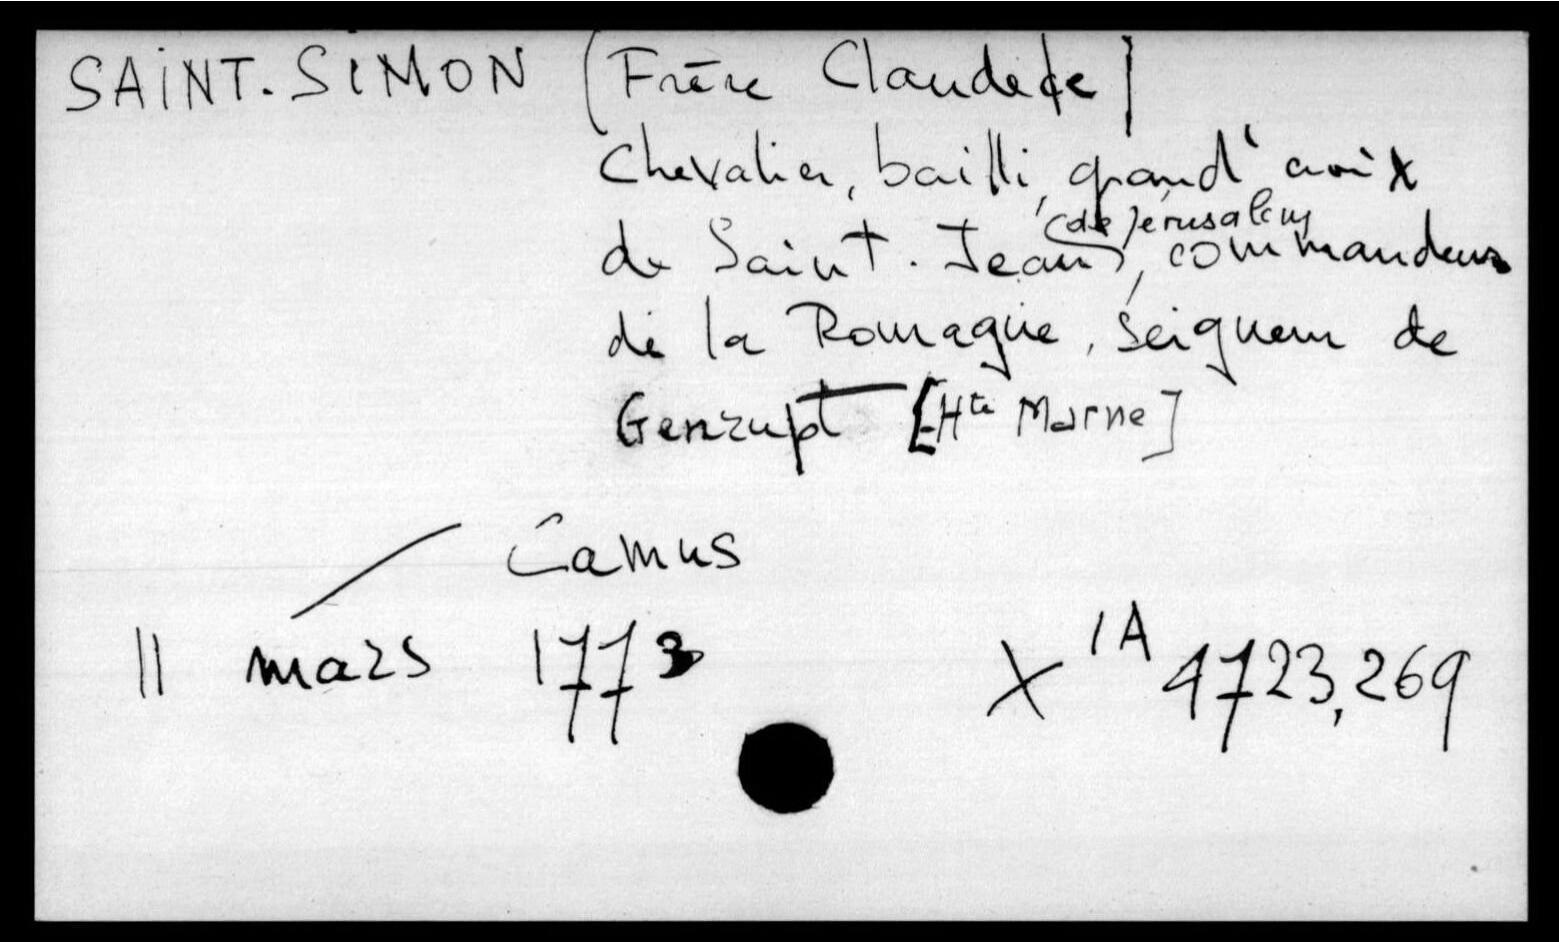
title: SAINT-SIMON (Frère Claude de) Chevalier, bailli, qaand'croix de Saint-Jean de Jerusalem, commandeur de la Rourague, seigneur de Genrupt [Haute-Marne]
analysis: Contre Camus
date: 11 mars 1773
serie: X1A
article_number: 4723
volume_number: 269
